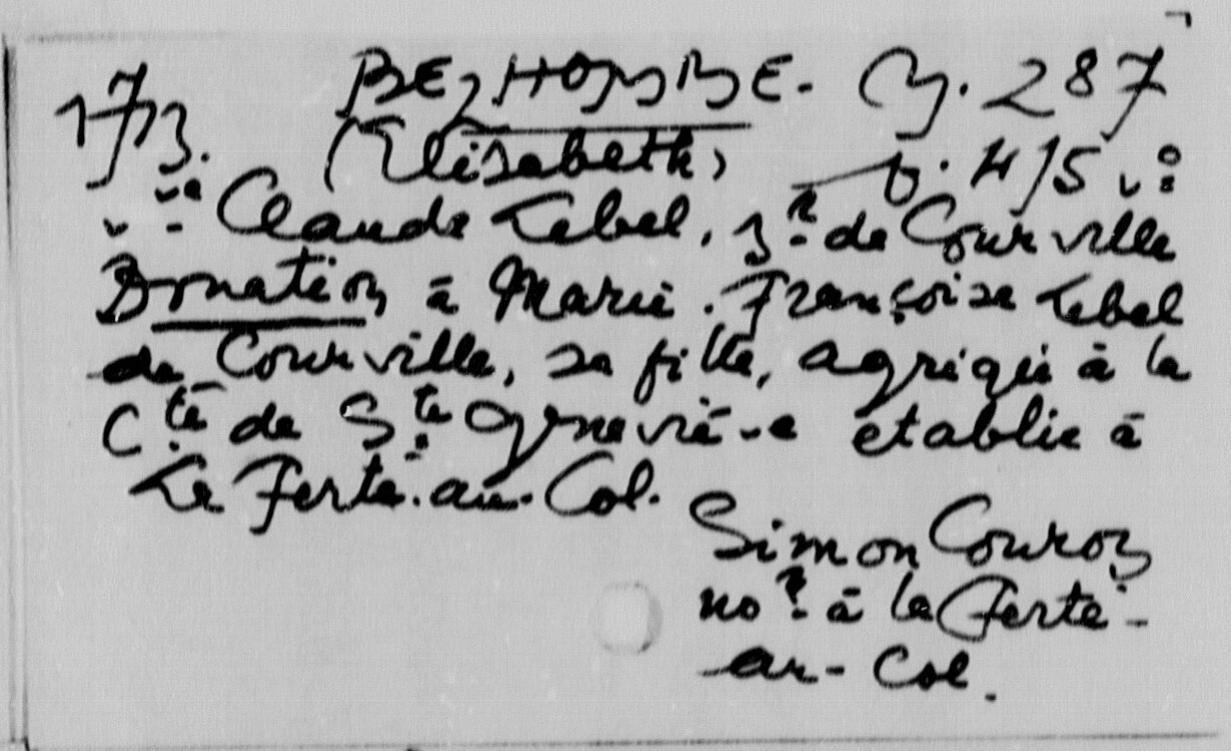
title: BELHOMME (Elisabeth)
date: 1713
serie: Y
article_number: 287
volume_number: folio 415 verso
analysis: veuve Claude Lebel, seigneur de Courville Donation à Marie-Françoise Lebel de Courville, sa fille, agrégée à la communauté de Sainte-Geneviève établie à La Ferte-au-Col. Simon Couron notaire à la Ferté-au-Col
